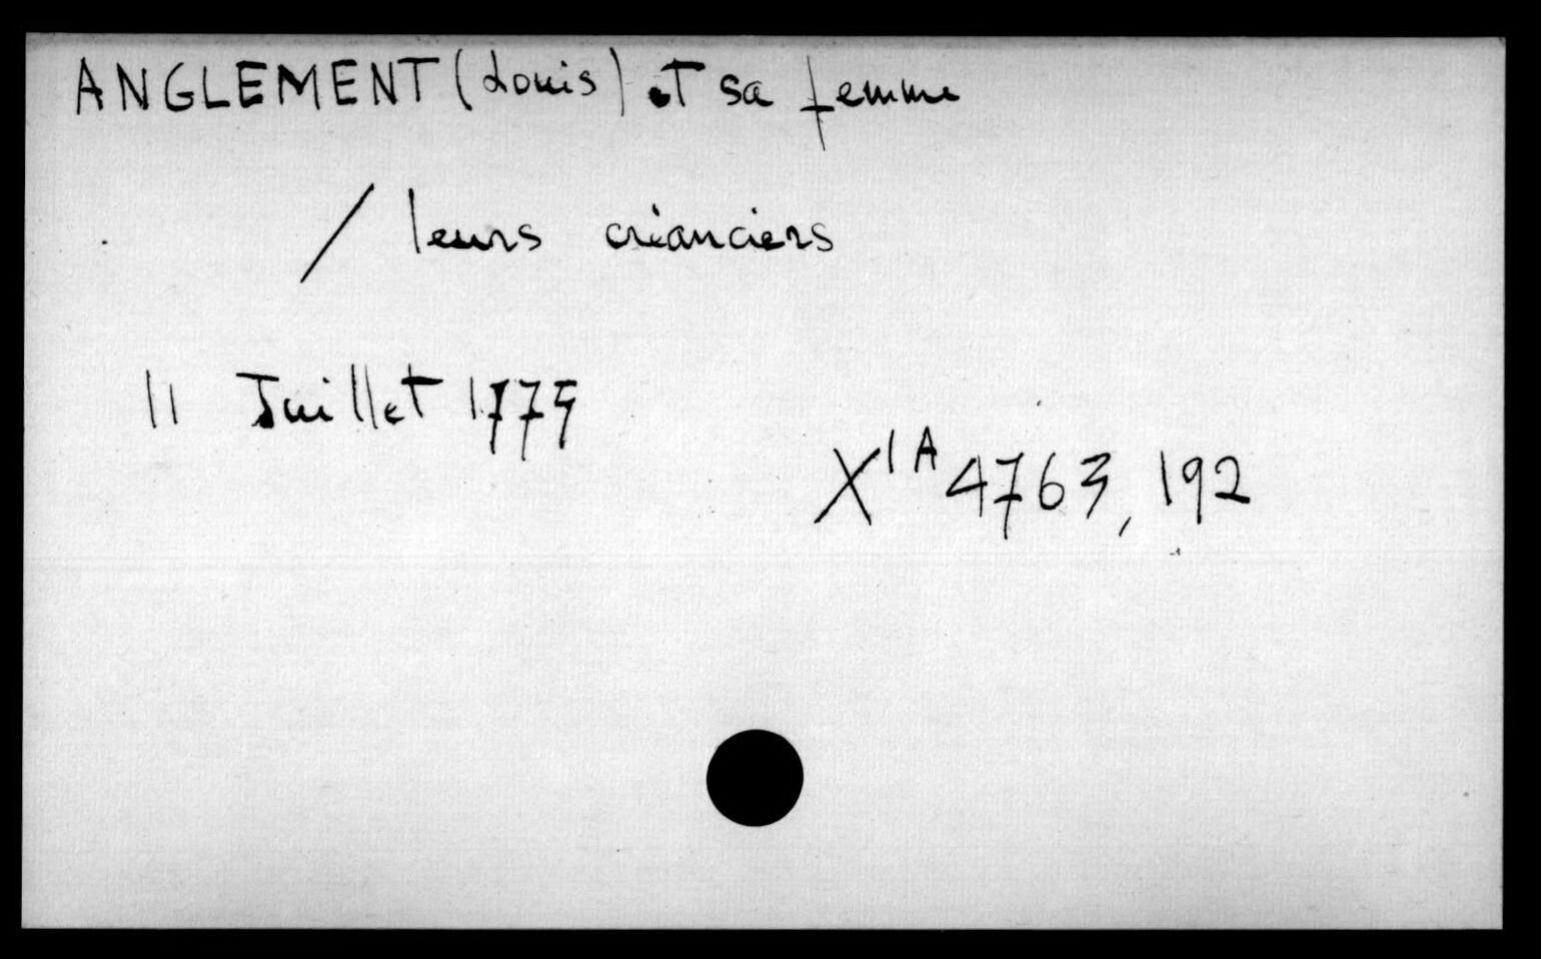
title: ANGLEMENT (Louis) et sa femme
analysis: Contre Leurs créanciers
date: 11 juillet 1775
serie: X1A
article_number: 4763
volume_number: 192
